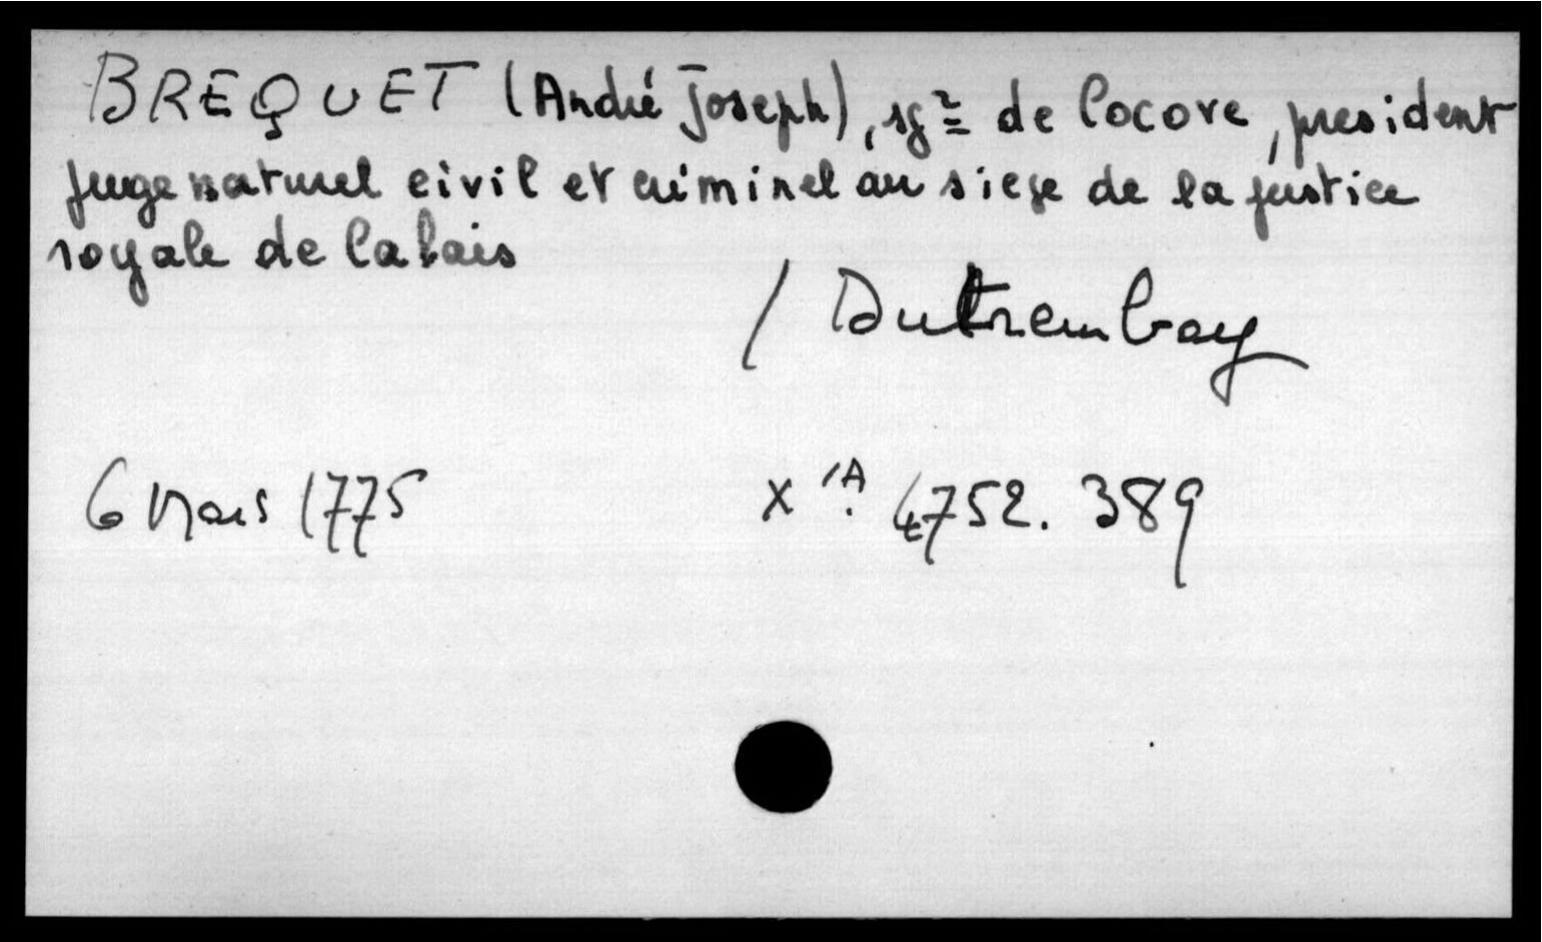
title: BREQUET (André Joseph), seigneur de Cocove, président juge naturel civil et criminel au siège de la justice royale de Calais
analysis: Contre Dutrembay
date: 6 mars 1775
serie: X1A
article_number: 4752
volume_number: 389
